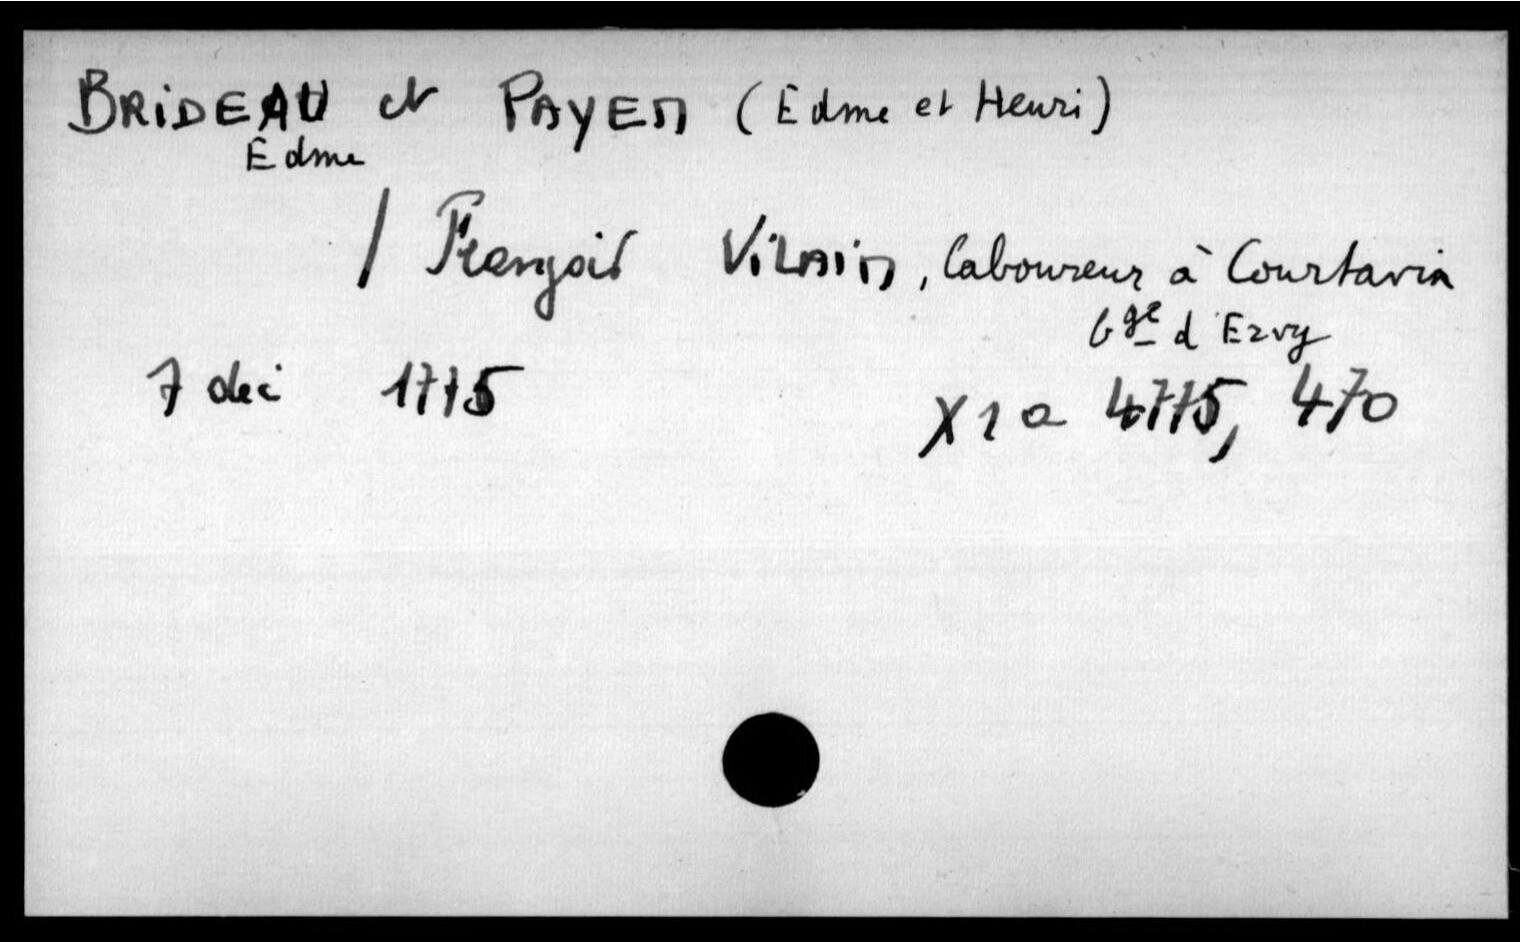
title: BRIDEAU et PAYEN (Edme et Henri)
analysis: Contre François VILAIN, laboureur à Courtavin bailliage d'Ervy
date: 7 décembre 1775
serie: X1A
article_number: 4775
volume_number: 470
